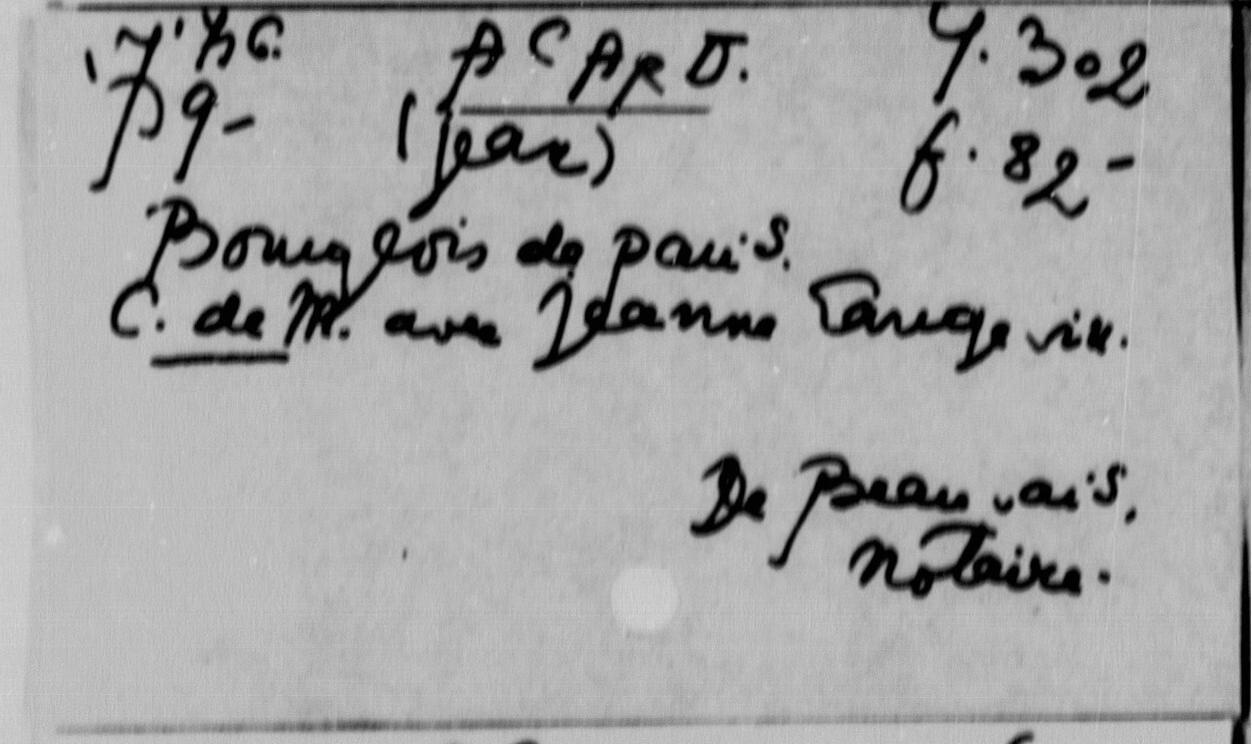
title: ACARD (Jean)
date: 1706-1709 ?
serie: Y
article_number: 302
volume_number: folio 82
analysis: Bourgeois de Paris Contrat de mariage avec Jeanne Langevin. De Beauvais, notaire
